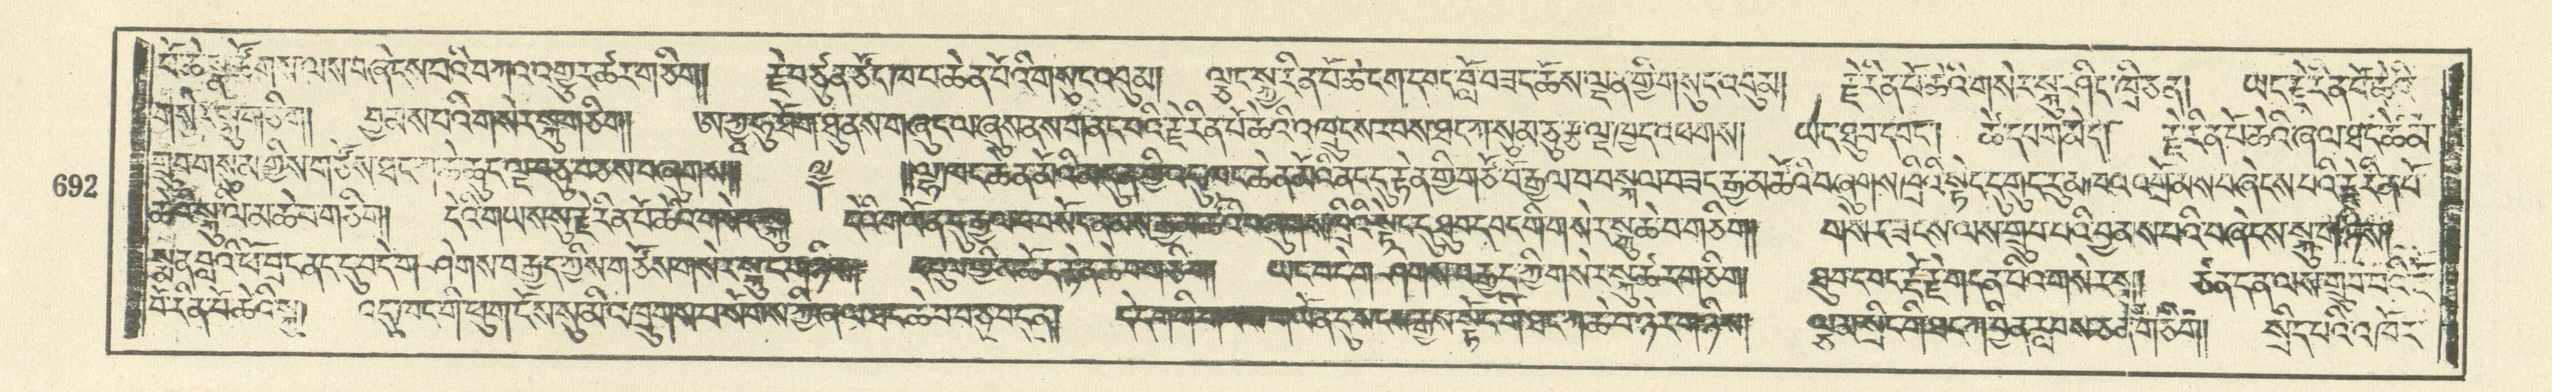པོ་ཆེ་སྣ་ཚོགས་ལས་བཞེངས་པའི་བཀའ་འགྱུར་ཆར་གཅིག། རྗེ་བཙུན་ཙོང་ཁ་པ་ཆེན་པོའི་གསུང་འབུམ། ལྕང་སྐྱ་རིན་པོ་ཆེ་ངག་དབང་བློ་བཟང་ཆོས་ལྡན་གྱི་གསུང་འབུམ། རྗེ་རིན་པོ་ཆེའི་གསེར་སྐུ་ཤིང་ཁྲི་ཅན། ཡང་རྗེ་རིན་པོ་ཆེའི་
གསེར་སྐུ་གཅིག། བྱམས་པའི་གསེར་སྐུ་གཅིག། ཨ་ཀྱཱ་ཧུ་ཐོག་ཐུ་ནས་གཞུང་ལ་ཞུས་ནས་གནང་བའི་རྗེ་རིན་པོ་ཆེའི་འཁྲུངས་རབས་ཐང་ཀ་སུམ་ཅུ་རྩ་ལྔ་ཁྱད་འཕགས། ཡང་ཐུབ་དབང་། ཚེ་དཔག་མེད། རྗེ་རིན་པོ་ཆེའི་ཞལ་ཐང་ཚེམ་
གྲུབ་གསུམ་གྱིས་གཙོས་ཐང་ཀ་ཆེ་ཆུང་ལྔ་བཅུ་བཅས་བཞུགས།། ༈ །།ལྷ་ཁང་ཆེན་མོའི་མདུན་གྱི་འདུ་ཁང་ཆེན་མོའི་ནང་དུ་རྟེན་གྱི་གཙོ་བོ་རྒྱལ་བ་བསྐལ་བཟང་རྒྱ་མཚོའི་བཞུགས་ཁྲིའི་སྟེང་དུ་གུང་རུ་མཁའ་འགྲོ་མས་བཞེངས་པའི་རྗེ་རིན་པོ་
ཆེའི་སྐུ་ལི་མ་ཆེ་བ་གཅིག། དེའི་གཡས་སུ་རྗེ་རིན་པོ་ཆེའི་གསེར་སྐུ། དེའི་གཡོན་དུ་རྒྱལ་བ་བསོད་ནམས་རྒྱ་མཚོའི་བཞུགས་ཁྲིའི་སྟེང་དུ་ཐུབ་དབང་གི་གསེར་སྐུ་ཆེ་བ་གཅིག། གསེར་ཟངས་ལས་གྲུབ་པའི་བྱམས་པའི་བཞེངས་སྐུ་གཉིས།
སྨན་བླའི་ཕོ་བྲང་ནང་དུ་བདེ་གཤེགས་བརྒྱད་ཀྱིས་གཙོས་གསེར་སྐུ་ང་གཉིས། དངུལ་གྱི་མཆོད་རྟེན་ཆེ་བ་གཅིག། ཡང་བདེ་གཤེགས་བརྒྱད་ཀྱི་གསེར་སྐུ་ཚར་གཅིག། ཐུབ་དབང་རྡོ་རྗེ་གདན་པའི་གསེར་སྐུ། ཙན་དན་ལས་གྲུབ་པའི་ཇོ་
བོ་རིན་པོ་ཆེའི་སྐུ། འདུ་ཁང་གི་ཕུག་ངོས་སུ་མི་འཁྲུགས་པ་སོགས་ཀྱི་ཞལ་ཐང་ཆེ་བ་བཅུ་བདུན། དེ་དག་གི་གཡས་གཡོན་དུ་སངས་རྒྱས་སྟོང་གི་ཐང་ཀ་ཆེ་བ་ཉེར་གཉིས། ལྕམ་སྲིང་གི་ཐང་ཀ་བྱིན་རླབས་ཅན་གཅིག། སྲིད་པའི་འཁོར་